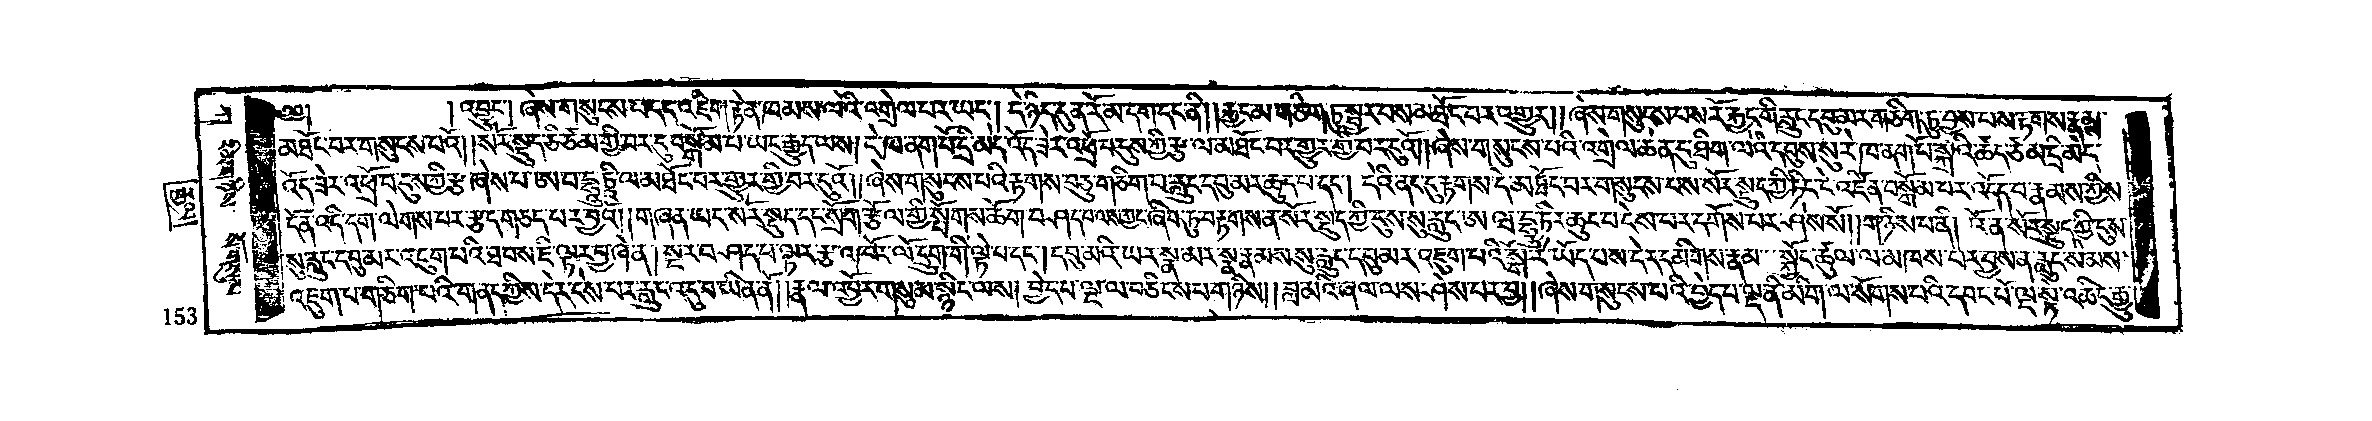༄༅། །འབྱུང་། ཞེས་གསུངས་པ་དང་འཇིག་རྟེན་ཁམས་ལོའི་འགྲེལ་པར་ཡང་། དེ་ཉིད་དུ་ན་རོ་མ་དག་དང་ནི། །རྐྱང་མ་གཅིག་ཏུ་སྦྱར་བས་མཐོང་བར་འགྱུར། །ཞེས་གསུངས་པས་རོ་རྐྱང་གི་རླུང་དབུ་མར་གཅིག་ཏུ་བྱས་པས་རྟགས་རྣམས་
མཐོང་བར་གསུངས་པའོ། །སོར་སྡུད་ཅི་ཙམ་གྱི་བར་དུ་བསྒོམ་པ་ཡང་རྒྱུད་ལས། དེ་ཁ་ནག་པོ་དྲི་མེད་འོད་ཟེར་འཕྲོ་བ་དུས་ཀྱི་རྩ་ལ་མཐོང་བར་གྱུར་གྱི་བར་དུའོ། །ཞེས་གསུངས་པའི་འགྲེལ་ཆེན་དུ་ཐིག་ལེའི་དབུས་སུ་རེ་ཁ་ནག་པོ་སྐྲའི་ཚད་ཙམ་དྲི་མེད་
འོད་ཟེར་འཕྲོ་བ་དུས་ཀྱི་རྩ་ཞེས་པ་ཨ་བ་དྷཱུ་ཏཱི་ལ་མཐོང་བར་གྱུར་གྱི་བར་དུའོ། །ཞེས་གསུངས་པའི་རྟགས་བཅུ་གཅིག་པ་རླུང་དབུ་མར་ཆུད་པ་དང་། དེའི་ནང་དུ་རྟགས་དེ་མཐོང་བར་གསུངས་པས་སོར་སྡུད་ཀྱི་ཏིང་ངེ་འཛིན་བསྒོམ་པར་འདོད་པ་རྣམས་ཀྱིས་
དོན་འདི་དག་ལེགས་པར་རྩད་གཅད་པར་བྱའོ། །གཞན་ཡང་སོར་སྡུད་དང་སྲོག་རྩོལ་གྱི་སྤོགས་ཆོག་བཤད་པ་ལས་ཀྱང་ཞིབ་ཏུ་བརྟགས་ན་སོར་སྡུད་ཀྱི་དུས་སུ་རླུང་ཨ་ཝ་དྷཱུ་ཏཱིར་ཆུང་བ་ངེས་པར་དགོས་པར་ཤེས་སོ། །གཉིས་པ་ནི། འོ་ན་སོར་སྡུད་ཀྱི་དུས་
སུ་རླུང་དབུ་མར་འཇུག་པའི་ཐབས་ཇི་ལྟར་བྱ་ཞེ་ན། སྔར་བཤད་པ་ལྟར་རྩ་འཁོར་ལོ་དྲུག་གི་ལྟེ་བ་དང་། དབུ་མའི་ཡར་སྣ་མར་སྣ་རྣམས་སུ་རླུང་དབུ་མར་འཇུག་པའི་སྒོ་རེ་ཡོད་པས་དེར་དམིགས་རྣམ་སྐྱོང་ཚུལ་ལ་མཁས་པར་བྱས་ན་རླུང་སེམས་
འཇུག་པ་གཅིག་པའི་གནད་ཀྱིས་དེར་ངེས་པར་རླུང་འདུ་བ་ཡིན་ནོ། །རྣལ་འབྱོར་གསུམ་སྙིང་ལས། བྱེད་པ་ལྔ་ལ་བཅིངས་པ་གཉིས། །བླ་མའི་ཞལ་ལས་ཤེས་པར་བྱ། །ཞེས་གསུངས་པའི་བྱེད་པ་ལྔ་ནི་མིག་ལ་སོགས་པའི་དབང་པོ་ལྔ་སྟེ་འཆིང་རྒྱུ་